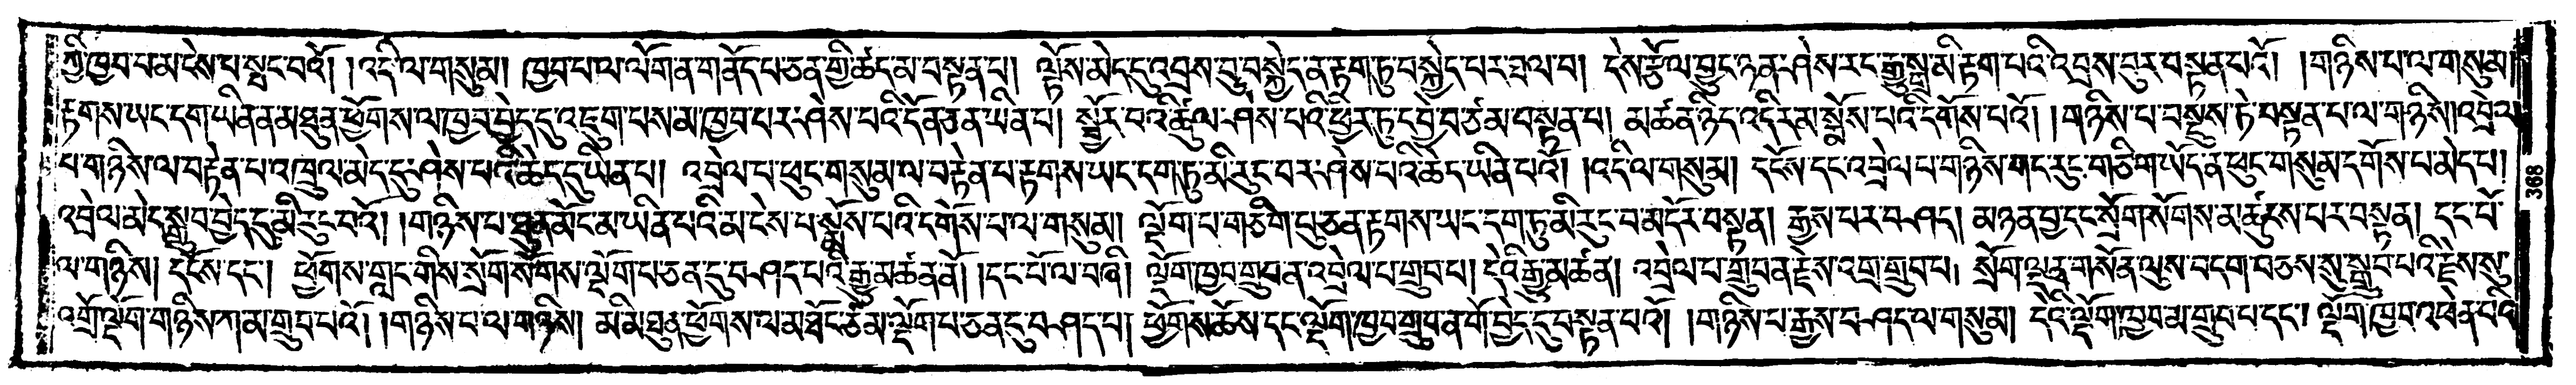ཀྱི་ཁྱབ་པ་མ་ངེས་པ་སྤང་བའོ། །འདི་ལ་གསུམ། ཁྱབ་པ་ལ་ལོག་ན་གནོད་པ་ཅན་གྱི་ཚད་མ་བསྟན་པ། ལྟོས་མེད་དུ་འབྲས་བུ་བསྐྱེད་ན་རྟག་ཏུ་བསྐྱེད་པར་ཐལ་བ། དེས་རྩོལ་བྱུང་ཉན་ཤེས་རང་རྒྱུ་སྒྲ་མི་རྟག་པའི་འབྲས་བུར་བསྟན་པའོ། །གཉིས་པ་ལ་གསུམ།
རྟགས་ཡང་དག་ཡིན་ན་མཐུན་ཕྱོགས་ལ་ཁྱབ་བྱེད་དུ་འཇུག་པས་མ་ཁྱབ་པར་ཤེས་པའི་དོན་ཅན་ཡིན་པ། སྦྱོར་བའི་ཚུལ་ཤེས་པའི་ཕྱིར་ཏུ་དབྱེ་བ་ཙམ་བསྟན་པ། མཚན་ཉིད་འདིར་མ་སྨོས་པའི་དགོས་པའོ། །གཉིས་པ་བསྡུས་ཏེ་བསྟན་པ་ལ་གཉིས། འབྲེལ་
པ་གཉིས་ལ་བརྟེན་པ་འཁྲུལ་མེད་དུ་ཤེས་པའི་ཆེད་དུ་ཡིན་པ། འབྲེལ་བ་ཕུང་གསུམ་ལ་བརྟེན་པ་རྟགས་ཡང་དག་ཏུ་མི་རུང་བར་ཤེས་པའི་ཆེད་ཡིན་པའོ། །འདི་ལ་གསུམ། དངོས་དང་འབྲེལ་པ་གཉིས་གང་རུང་གཅིག་ཡོད་ན་ཕུང་གསུམ་དགོས་པ་མེད་པ།
འབྲེལ་མེད་སྒྲུབ་བྱེད་དུ་མི་རུང་བའོ། །གཉིས་པ་ཐུན་མོང་མ་ཡིན་པའི་མ་ངེས་པ་སྨྲོས་པའི་དགོས་པ་ལ་གསུམ། ལྡོག་པ་གཅིག་བུ་ཅན་རྟགས་ཡང་དག་ཏུ་མི་རུང་བ་མདོར་བསྟན། རྒྱས་པར་བཤད། མཉན་བྱ་དང་སྲོག་སོགས་མཚུངས་པར་བསྟན། དང་པོ་
ལ་གཉིས། དངོས་དང་། ཕྱོགས་གླང་གིས་སྲོག་སོགས་ལྡོག་པ་ཅན་དུ་བཤད་པའི་རྒྱུ་མཚན་ནོ། །དང་པོ་ལ་བཞི། ལྡོག་ཁྱབ་གྲུབ་ན་འབྲེལ་པ་གྲུབ་པ། དེའི་རྒྱུ་མཚན། འབྲེལ་པ་གྲུབ་ན་རྗེས་འགྲ་གྲུབ་པ། སྲོག་ལྡན་གསོན་ལུས་བདག་བཅས་སུ་སྒྲུབ་པའི་རྗེས་སུ་
འགྲོ་ལྡོག་གཉིས་ཀ་མ་གྲུབ་པའོ། །གཉིས་པ་ལ་གཉིས། མི་མཐུན་ཕྱོགས་ལ་མཐོང་ཙམ་ལྡོག་པ་ཅན་དུ་བཤད་པ། ཕྱོགས་ཆོས་དང་ལྡོག་ཁྱབ་གྲུབ་ན་གོ་བྱེད་དུ་བསྟན་པའོ། །གཉིས་པ་རྒྱས་བཤད་ལ་གསུམ། དེའི་ལྡོག་ཁྱབ་མ་གྲུབ་པ་དང་། ལྡོག་ཁྱབ་འཕེན་པའི་